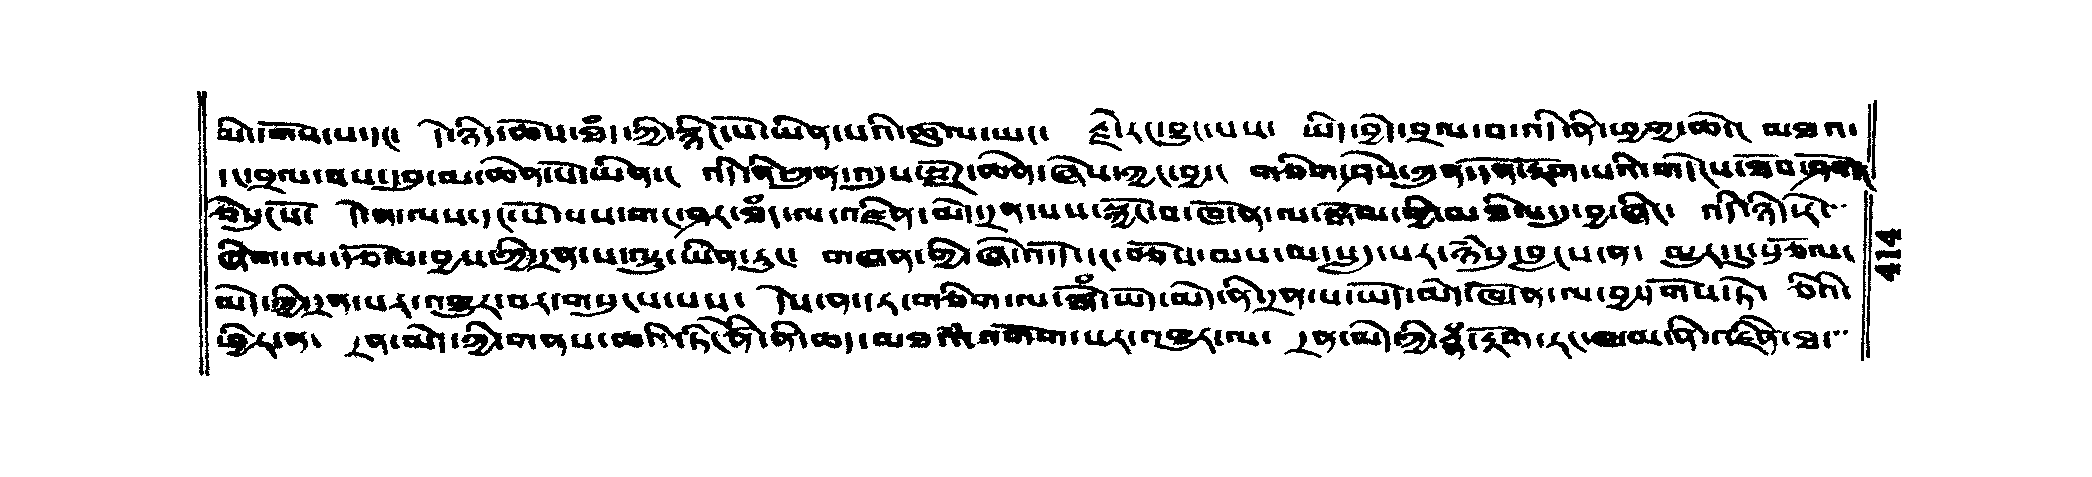མི་དགོས་པ་དང་། དེ་ཉིད་ཆོས་ཆམས་ཅད་ཀྱི་སྙིང་པོ་ཡིན་པའི་ཚུལ་ཡང་། རྗེ་རང་བྱུང་པས། ཡིད་བྱེད་བྲལ་བ་འདི་ནི་ཕྱག་རྒྱ་ཆེ། །མཐའ་
དང་བྲལ་བའི་དབུ་མ་ཆེན་པོ་་ཡིན། །འདི་ནི་ཀུན་འདུས་རྫོགས་ཆེན་ཞེས་ཀྱང་བྱ། །གཅིག་ཤེས་ཀུན་དོན་རྟོག་པའི་གདེངས་ཐོབ་ཤོག་།
ཅེས་གསུངས་སོ། དེ་ན་ལས་དང་པོ་པས་གང་ཤར་ཐམས་ཅད་ལ་འཛིན་མེད་དྲན་པས་སྐྱོང་བ་ཁོ་ན་ལ་སྒོམ་གྱི་མཐིལ་དུ་བྱ་ཞིང་། འདི་ཉིད་རེ་
ཞིག་ལ་རྩོལ་བྱས་ཀྱི་དྲན་པ་ལྟ་བུ་ཡིན་རུང་། གཞན་གྱི་ཞེ་འདོད་དང་བཅོས་མས་མ་སླད་པར་ཉམས་སུ་བླངས་ན། མྱུར་དུ་སྩོལ་
མེད་ཀྱི་དྲན་པར་འགྱུར་བར་གསུངས་པས། དེས་ན་དར་གཅིག་ལ་སྒོམ་ཡོད་མེད་ཁོ་ན་ལ་བྱ་དགོས་ཏེ། ཅིའི་
ཕྱིར་ན། དྲན་མེད་ཀྱི་གནས་ཆའི་ཏིང་འཛིན་ནི་ཆད་མཐའམ་འགོག་པར་འགྱུར་ལ། དྲན་མེད་ཀྱི་རྣམ་རྟོག་རང་ཁ་མ་ནི་འཇིག་རྟེན་ཐ་